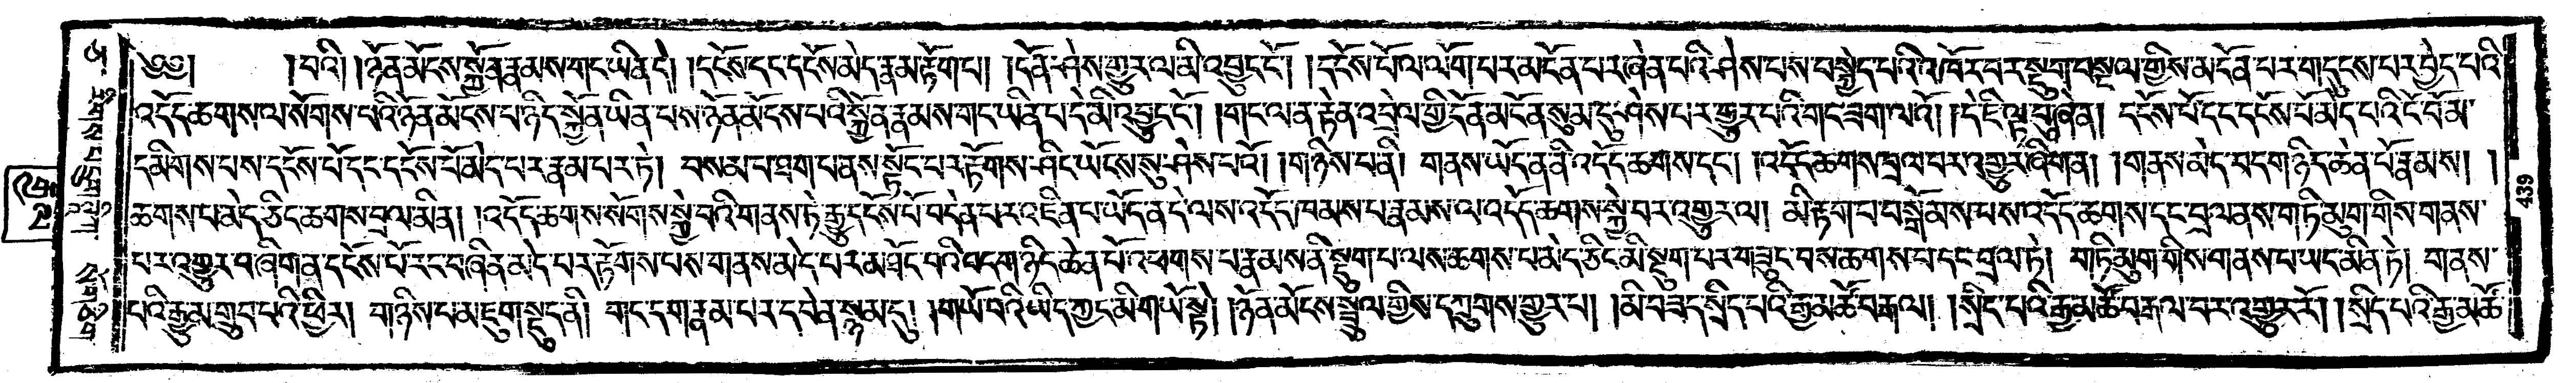༄༅། །པའི། །ཉོན་མོངས་སྐྱོན་རྣམས་གང་ཡིན་དེ། །དངོས་དང་དངོས་མེད་རྣམ་རྟོག་པ། །དོན་ཤེས་གྱུར་ལ་མི་འབྱུང་ངོ། །དངོས་པོ་ལ་ལོག་པར་མངོན་པར་ཞེན་པའི་ཤེས་པས་བསྐྱེད་པའི་འཁོར་བར་སྡུག་བསྔལ་གྱིས་མངོན་པར་གདུངས་པར་བྱེད་པའི་
འདོད་ཆགས་ལ་སོགས་པའི་ཉོན་མོངས་པ་ཉིད་སྐྱོན་ཡིན་པས་ཉོན་མོངས་པའི་སྐྱོན་རྣམས་གང་ཡིན་པ་དེ་མི་འབྱུང་ངོ། །གང་ལ་ན་རྟེན་འབྲེལ་གྱི་དོན་མངོན་སུམ་དུ་ཤེས་པར་གྱུར་པའི་གང་ཟག་ལའོ། །དེ་ཇི་ལྟ་བུ་ཞེ་ན། དངོས་པོ་དང་དངོས་པོ་མེད་པའི་ངོ་བོ་མ་
དམིགས་པས་དངོས་པོ་དང་དངོས་པོ་མེད་པར་རྣམ་པར་ཏེ། བསམ་པ་ཐག་པ་ནས་སྟོང་པར་རྟོགས་ཤིང་ཡོངས་སུ་ཤེས་པའོ། །གཉིས་པ་ནི། གནས་ཡོད་ན་ནི་འདོད་ཆགས་དང་། །འདོད་ཆགས་བྲལ་བར་འགྱུར་ཞིག་ན། །གནས་མེད་བདག་ཉིད་ཆེན་པོ་རྣམས། །
ཆགས་པ་མེད་ཅིང་ཆགས་བྲལ་མིན། །འདོད་ཆགས་སོགས་སྐྱེ་བའི་གནས་ཏེ་རྒྱུ་དངོས་པོ་བདེན་པར་འཛིན་པ་ཡོད་ན་དེ་ལས་འདོད་ཁམས་པ་རྣམས་ལ་འདོད་ཆགས་སྐྱེ་བར་འགྱུར་ལ། མི་རྟག་པ་བསྒོམས་པས་འདོད་ཆགས་དང་བྲལ་ནས་གཏི་མུག་གིས་གནས་
པར་འགྱུར་བ་ཞིག་ན་དངོས་པོ་རང་བཞིན་མེད་པར་རྟོགས་པས་གནས་མེད་པར་མཐོང་བའི་བདག་ཉིད་ཆེན་པོ་འཕགས་པ་རྣམས་ནི་སྡུག་པ་ལས་ཆགས་པ་མེད་ཅིང་མི་སྡུག་པར་གཟུང་བས་ཆགས་པ་དང་བྲལ་ཏེ། གཏི་མུག་གིས་གནས་པ་ཡང་མིན་ཏེ། གནས་
པའི་རྒྱུ་མ་གྲུབ་པའི་ཕྱིར། གཉིས་པ་མཇུག་སྡུད་ནི། གང་དག་རྣམ་པར་དཔེན་སྙམ་དུ། །གཡོ་བའི་ཡིད་ཀྱང་མི་གཡོ་སྟེ། །ཉོན་མོངས་སྦྲུལ་གྱིས་དཀྲུགས་གྱུར་པ། །མི་བཟད་སྲིད་པའི་རྒྱ་མཚོ་བརྒལ། །སྲིད་པའི་རྒྱ་མཚོ་བརྒལ་བར་འགྱུར་རོ། །སྲིད་པའི་རྒྱ་མཚོ་